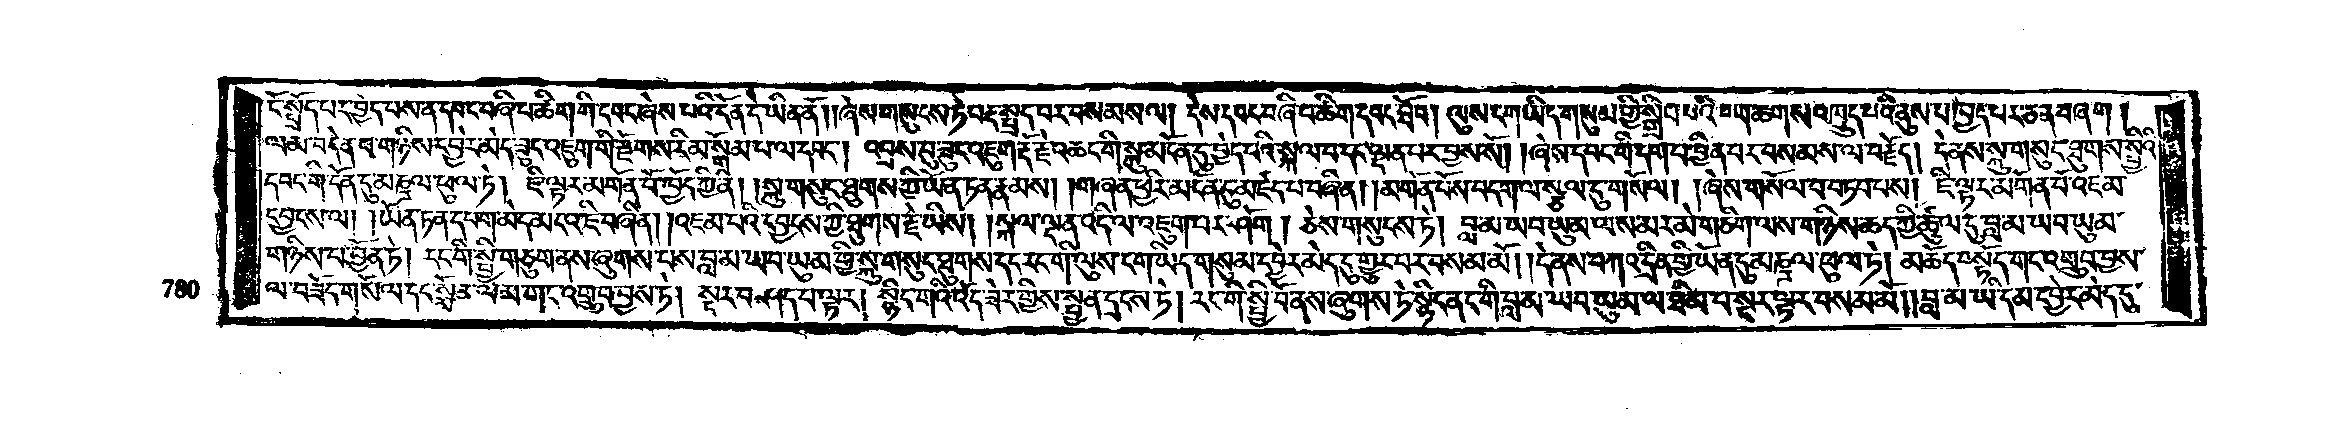ངོ་སྤྲོད་པར་བྱེད་པས་ན་དབང་བཞི་པ་ཚིག་གི་དབང་ཞེས་པའི་དོན་དེ་ཡིན་ནོ། །ཞེས་གསུངས་ཏེ་བརྡ་སྤྲད་པར་བསམས་ལ། དེས་དབང་བཞི་པ་ཚིག་དབང་ཐོབ། ལུས་ངག་ཡིད་གསུམ་གྱི་སྒྲིབ་པའི་བག་ཆགས་འཁྲུད་པའི་ནུས་པ་ཁྱད་པར་ཅན་བཞག །
ལམ་བདེན་པ་གཉིས་དབྱེར་མེད་ཟུང་འཇུག་གི་རྫོགས་རིམ་སྒོམ་པ་ལ་དབང་། འབྲས་བུ་ཟུང་འཇུག་རྡོ་རྗེ་འཆང་གི་སྐུ་མངོན་དུ་བྱེད་པའི་སྐལ་པ་དང་ལྡན་པར་བྱས་སོ། །ཞེས་དབང་གི་དག་པ་བྱིན་པར་བསམས་ལ་བརྗོད། དེ་ནས་སྐུ་གསུང་ཐུགས་སྤྱིའི་
དབང་གི་དོན་དུ་མཎྜལ་ཕུལ་ཏེ། ཇི་ལྟར་མགོན་པོ་ཁྱོད་ཀྱི་ནི། །སྐུ་གསུང་ཐུགས་ཀྱི་ཡོན་ཏན་རྣམས། །གཞན་ཕྱིར་མངོན་དུ་མཛད་པ་བཞིན། །མགོན་པོས་བདག་ལ་སྩལ་དུ་གསོལ། །ཞེས་གསོལ་བ་བཏབ་པས། ཇི་ལྟར་མགོན་པོ་འཇམ་
དབྱངས་ལ། །ཡོན་ཏན་དཔག་མེད་མངའ་ཇི་བཞིན། །འཇམ་པའི་དབྱངས་ཀྱི་ཐུགས་རྗེ་ཡིས། །སྐལ་ལྡན་འདི་ལ་འཇུག་པར་ཤོག །ཅེས་གསུངས་ཏེ། བླ་མ་ཡབ་ཡུམ་ལས་མར་མེ་གཅིག་ལས་གཉིས་ཚད་ཀྱི་ཚུལ་དུ་བླ་མ་ཡབ་ཡུམ་
གཉིས་པ་བྱོན་ཏེ། རང་གི་སྤྱི་གཅུག་ནས་ཞུགས་པས་བླ་མ་ཡབ་ཡུམ་གྱི་སྐུ་གསུང་ཐུགས་དང་རང་གི་ལུས་ངག་ཡིད་གསུམ་དབྱེར་མེད་དུ་གྱུར་པར་བསམ་མོ། །དེ་ནས་བཀའ་དྲིན་གྱི་ཡོན་དུ་མཎྜལ་ཕུལ་ཏེ། མཆོད་བསྟོད་གང་འགྲུབ་བྱས་
ལ་བཟོད་གསོལ་དང་སྨོན་ལམ་གང་འགྲུབ་བྱས་ཏེ། སྔར་བཤད་པ་ལྟར། སྙིང་གའི་འོད་ཟེར་གྱིས་སྤྱན་དྲངས་ཏེ། རང་གི་སྤྱི་བོ་ནས་ཞུགས་ཏེ་སྙིང་ནང་གི་བླ་མ་ཡབ་ཡུམ་ལ་ཐིམ་པ་སྔར་ལྟར་བསམ་མོ། །བླ་མ་ཡི་དམ་དབྱེར་མེད་དུ་